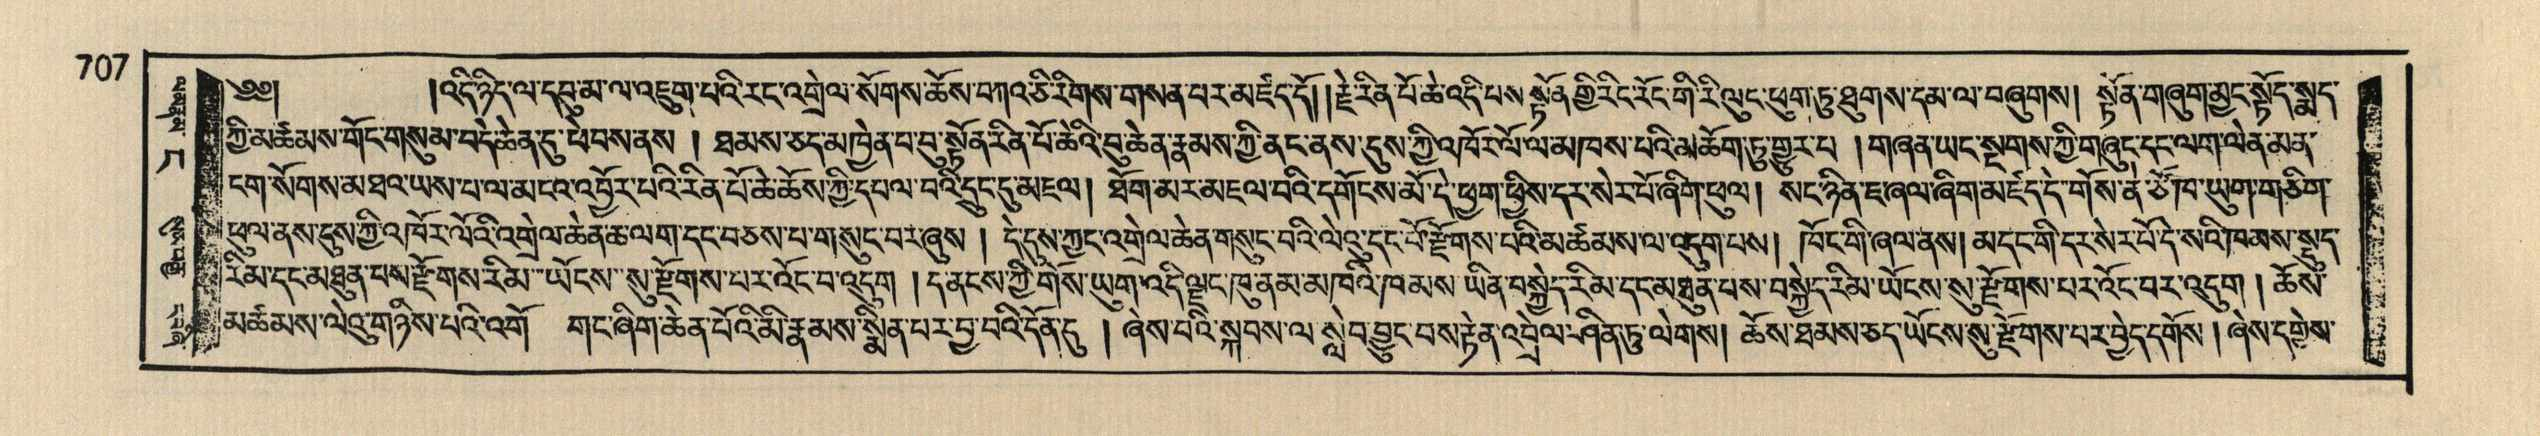༄༅། །འདི་ཉིད་ལ་དབུ་མ་ལ་འཇུག་པའི་རང་འགྲེལ་སོགས་ཆོས་བཀའ་ཅི་རིགས་གསན་པར་མཛད་དོ། །རྗེ་རིན་པོ་ཆེ་འདི་པས་སྟོན་གྱི་རིང་རོང་གི་རི་ལུང་ཕུག་ཏུ་ཐུགས་དམ་ལ་བཞུགས། སྟོན་གཞུག་མྱང་སྟོད་སྨད་
ཀྱི་མཚམས་གོང་གསུམ་བདེ་ཆེན་དུ་ཕེབས་ནས་།ཐམས་ཅད་མཁྱེན་པ་བུ་སྟོན་རིན་པོ་ཆེའི་བུ་ཆེན་རྣམས་ཀྱི་ནང་ནས་དུས་ཀྱི་འཁོར་ལོ་ལ་མཁས་པའི་མཆོག་ཏུ་གྱུར་པ་།གཞན་ཡང་སྔགས་ཀྱི་གཞུང་དང་ལག་ལེན་མན་
ངག་སོགས་མཐའ་ཡས་པ་ལ་མངའ་འབྱོར་པའི་རིན་པོ་ཆེ་ཆོས་ཀྱི་དཔལ་བའི་དྲུང་དུ་མཇལ། ཐོག་མར་མཇལ་བའི་དགོངས་མོ་དེ་ཕྱག་ཕྱིས་དར་སེར་པོ་ཞིག་ཕུལ། སང་ཉིན་ཇ་ཞལ་ཞིག་མཛད་དེ་གོས་ནེ་ཙོ་ཁ་ཡུག་གཅིག་
ཕུལ་ནས་དུས་ཀྱི་འཁོར་ལོའི་འགྲེལ་ཆེན་ཆ་ལག་དང་བཅས་པ་གསུང་བར་ཞུས། དེ་དུས་ཀྱང་འགྲེལ་ཆེན་གསུང་བའི་ལེའུ་དང་པོ་རྫོགས་པའི་མཚམས་ལ་འདུག་པས། ཁོང་གི་ཞལ་ནས། མདང་གི་དར་སེར་པོ་དེ་སའི་ཁམས་སྡུད་
རིམ་དང་མཐུན་པས་རྫོགས་རིམ་ཡོངས་སུ་རྫོགས་པར་འོང་བ་འདུག །ད་ནངས་ཀྱི་གོས་ཡུག་འདི་ལྗང་ཁུ་ནམ་མཁའི་ཁམས་ཡིན་བསྐྱེད་རིམ་དང་མཐུན་པས་བསྐྱེད་རིམ་ཡོངས་སུ་རྫོགས་པར་འོང་བར་འདུག །ཆོས་
མཚམས་ལེའུ་གཉིས་པའི་འོག་གང་ཞིག་ཆེན་པོའི་མི་རྣམས་སྨིན་པར་བྱ་བའི་དོན་དུ་།ཞེས་པའི་སྐབས་ལ་སླེབ་བྱུང་བས་རྟེན་འབྲེལ་ཤིན་ཏུ་ལེགས། ཆོས་ཐམས་ཅད་ཡོངས་སུ་རྫོགས་པར་བྱེད་དགོས་།ཞེས་དགྱེས་